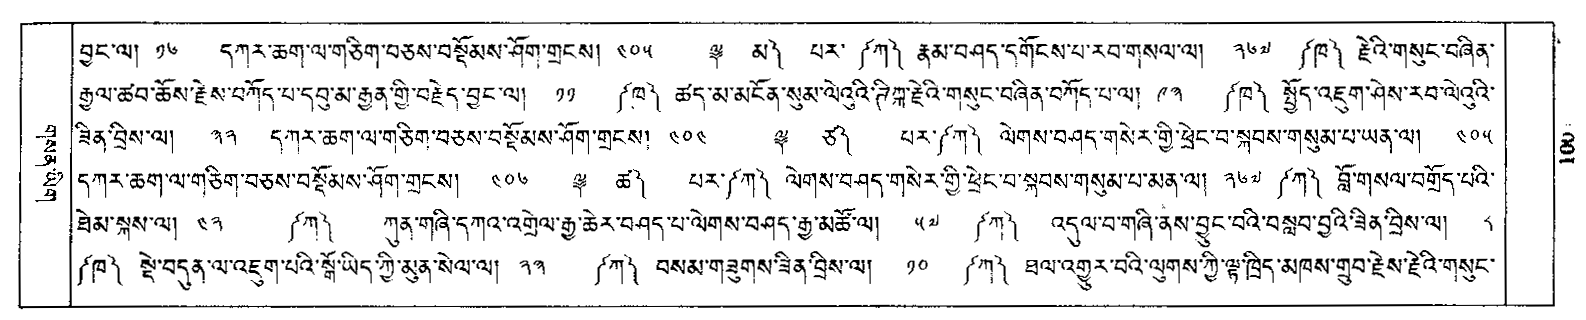བྱང་ལ། ༡༦་དཀར་ཆག་ལ་གཅིག་བཅས་བསྡོམས་ཤོག་གྲངས། ༤༠༥་༈ མ྄་པར ༼ཀ྄་རྣམ་བཤད་དགོངས་པ་རབ་གསལ་ལ། ༢༦༧་༽ཁ྄་རྗེའི་གསུང་བཞིན་
རྒྱལ་ཚབ་ཆོས་རྗེས་བཀོད་པ་དབུ་མ་རྒྱན་གྱི་བརྗེད་བྱང་ལ། ༡༡ ༼ཁ྄་ཚད་མ་མངོན་སུམ་ལེའུའི་ཊིཀྐ་རྗེའི་གསུང་བཞིན་བཀོད་པ་ལ། ༩༣་༽ཁ྄་སྤྱོད་འཇུག་ཤེས་རབ་ལེའུའི་
ཟིན་བྲིས་ལ། ༣༢་དཀར་ཆག་ལ་གཅིག་བཅས་བསྡོམས་ཤོག་གྲངས། ༤༠༤་༈ ཙ྄་པར་ཀ྄་ལེགས་བཤད་གསེར་གྱི་ཕྲེང་བ་སྐབས་གསུམ་པ་ཡན་ལ། ༤༠༥
དཀར་ཆག་ལ་གཅིག་བཅས་བསྡོམས་ཤོག་གྲངས། ༤༠༦་༈ ཚ྄་པར ༼ཀ྄་ལེགས་བཤད་གསེར་གྱི་ཕྲེང་བ་སྐབས་གསུམ་པ་མན་ལ། ༢༦༧་༽ཀ྄་བློ་གསལ་བགྲོད་པའི་
ཐེམ་སྐས་ལ། ༤༢ ༼ཀ྄་ཀུན་གཞི་དཀའ་འགྲེལ་རྒྱ་ཆེར་བཤད་པ་ལེགས་བཤད་རྒྱ་མཚོ་ལ། ༥༧་༽ཀ྄་འདུལ་བ་གཞི་ནས་བྱུང་བའི་བསླབ་བྱའི་ཟིན་བྲིས་ལ། ༨
༼ཁ྄་སྡེ་བདུན་ལ་འཇུག་པའི་སྒོ་ཡིད་ཀྱི་མུན་སེལ་ལ། ༢༣་༽ཀ྄་བསམ་གཟུགས་ཟིན་བྲིས་ལ། ༡༠་ཀ྄་ཐལ་འགྱུར་བའི་ལུགས་ཀྱི་ལྟ་ཁྲིད་མཁས་གྲུབ་རྗེས་རྗེའི་གསུང་